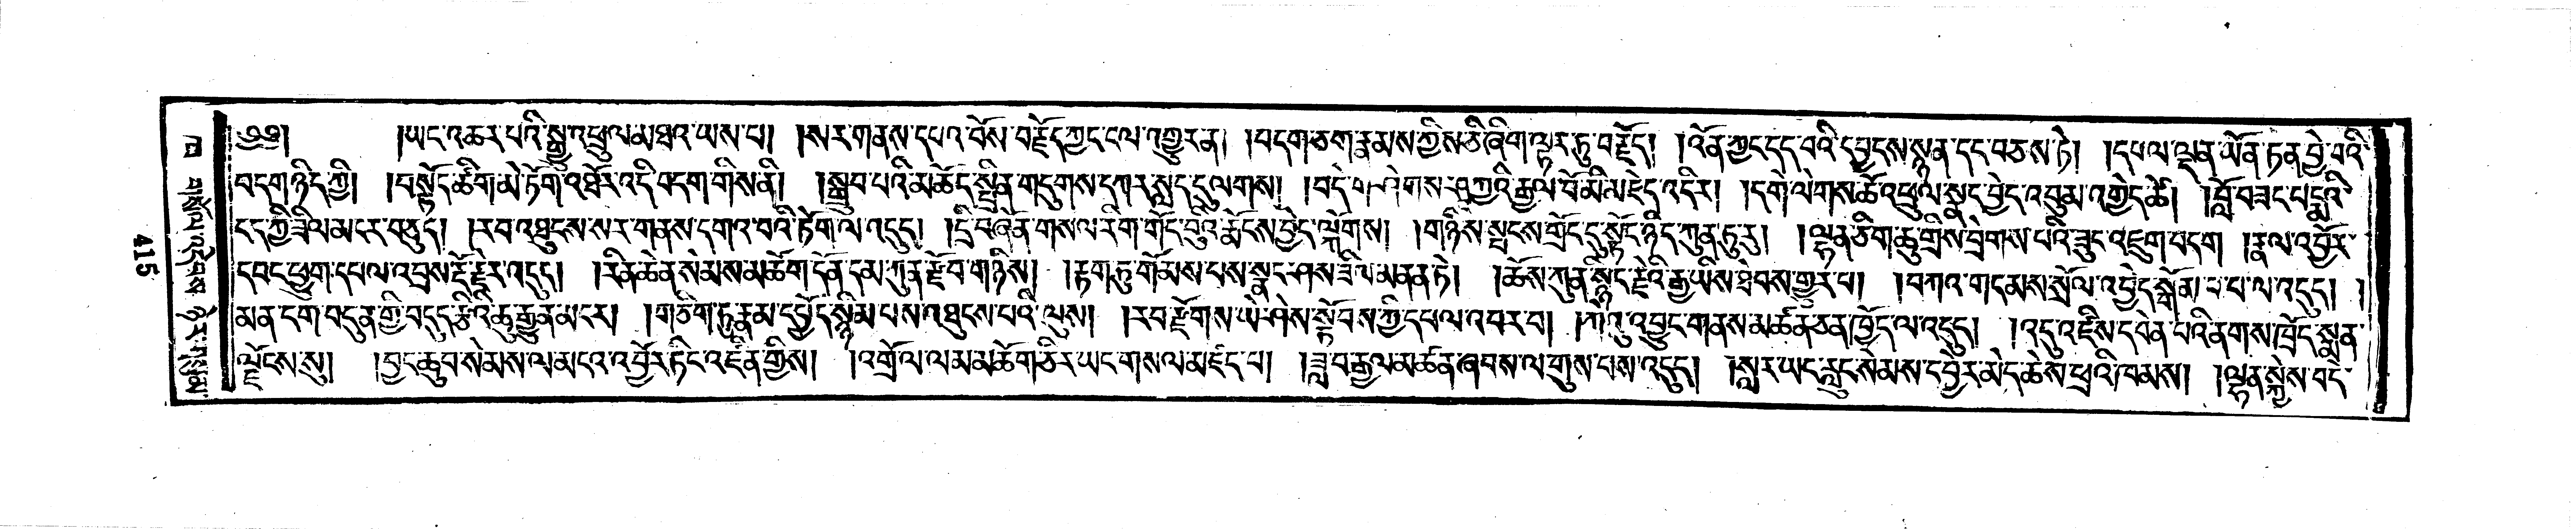༄༅། །ཡང་འཆར་པའི་སྒྱུ་འཕྲུལ་མཐའ་ཡས་པ། །སར་གནས་དཔའ་བོས་བརྗོད་ཀྱང་ངལ་འགྱུར་ན། །བདག་ཅག་རྣམས་ཀྱིས་ཅི་ཞིག་ལྟར་ཏུ་བརྗོད། །འོན་ཀྱང་དད་པའི་དབྱངས་སྙན་དང་བཅས་ཏེ། །དཔལ་ལྡན་ཡོན་ཏན་བྱེ་བའི་
བདག་ཉིད་ཀྱི། །བསྟོད་ཚིག་མེ་ཏོག་འཐོར་འདི་བདག་གིས་ནི། །སྒྲུབ་པའི་མཆོད་སྤྲིན་གདུགས་དཀར་སླད་དུ་ལགས། །བདེ་གཤེགས་ཤཱཀྱའི་རྒྱལ་པོ་མི་མཛེད་འདིར། །དགེ་ལེགས་ཆོ་འཕྲུལ་སྣང་བྱེད་འབུམ་འགྱེད་ཚེ། །བློ་བཟང་པདམའི་
ངད་ཀྱི་ཟིལ་མངར་བཅུད། །རབ་འཐུངས་སར་གནས་དགའ་བའི་ཏོག་ལ་འདུད། །དྲི་བཞོན་གསལ་རིག་གོད་བུའི་རྨོངས་བྱེད་ལྐོགས། །གཉིས་སྤངས་གྲོང་དུ་སྟོང་ཉིད་ཀུན་ཏུ་རུ། །ལྷན་ཅིག་ཆུ་གྲིས་བྲེགས་པའི་ཟུང་འཇུག་བདག །རྣལ་འབྱོར་
དབང་ཕྱུག་དཔལ་འབྲས་རྡོ་རྗེར་འདུད། །རིན་ཆེན་སེམས་མཆོག་དོན་དམ་ཀུན་རྫོབ་གཉིས། །རྟག་ཏུ་གོམས་པས་སྣང་ཤས་ཟིལ་མནན་ཏེ། །ཆོས་ཀུན་སྙིང་རྗེའི་རྒྱ་ཡིས་ཐེབས་གྱུར་པ། །བཀའ་གདམས་སྲོལ་འབྱེད་སྒོམ་པ་ལ་འདུད། །
མན་ངག་བདུན་གྱི་བདུད་རྩིའི་ཆུ་རྒྱུན་མངར། །གཅིག་ཏུ་རྣམ་དཔྱོད་སྙིམ་པས་འཐུངས་པའི་ལུས། །རབ་རྫོགས་ཡེ་ཤེས་སྟོབས་ཀྱི་དཔལ་འབར་བ། །ཀེའུ་འབྱུང་གནས་མཚན་ཅན་ཁྱོད་ལ་འདུད། །འདུ་འཛིས་དབེན་བའི་ནགས་ཁྲོད་སྨན་
ལྗོངས་སུ། །བྱང་ཆུབ་སེམས་ལ་མངའ་འབྱོར་ཏིང་འཛིན་གྱིས། །འགྲོ་ལ་ལམ་མཆོག་ཅིར་ཡང་གསལ་མཛད་པ། །ཟླ་བ་རྒྱལ་མཚན་ཞབས་ལ་གུས་པས་འདུད། །སླར་ཡང་རླུང་སེམས་དབྱེར་མེད་ཆེས་ཕྲའི་ཁམས། །ལྷན་སྐྱེས་བདེ་